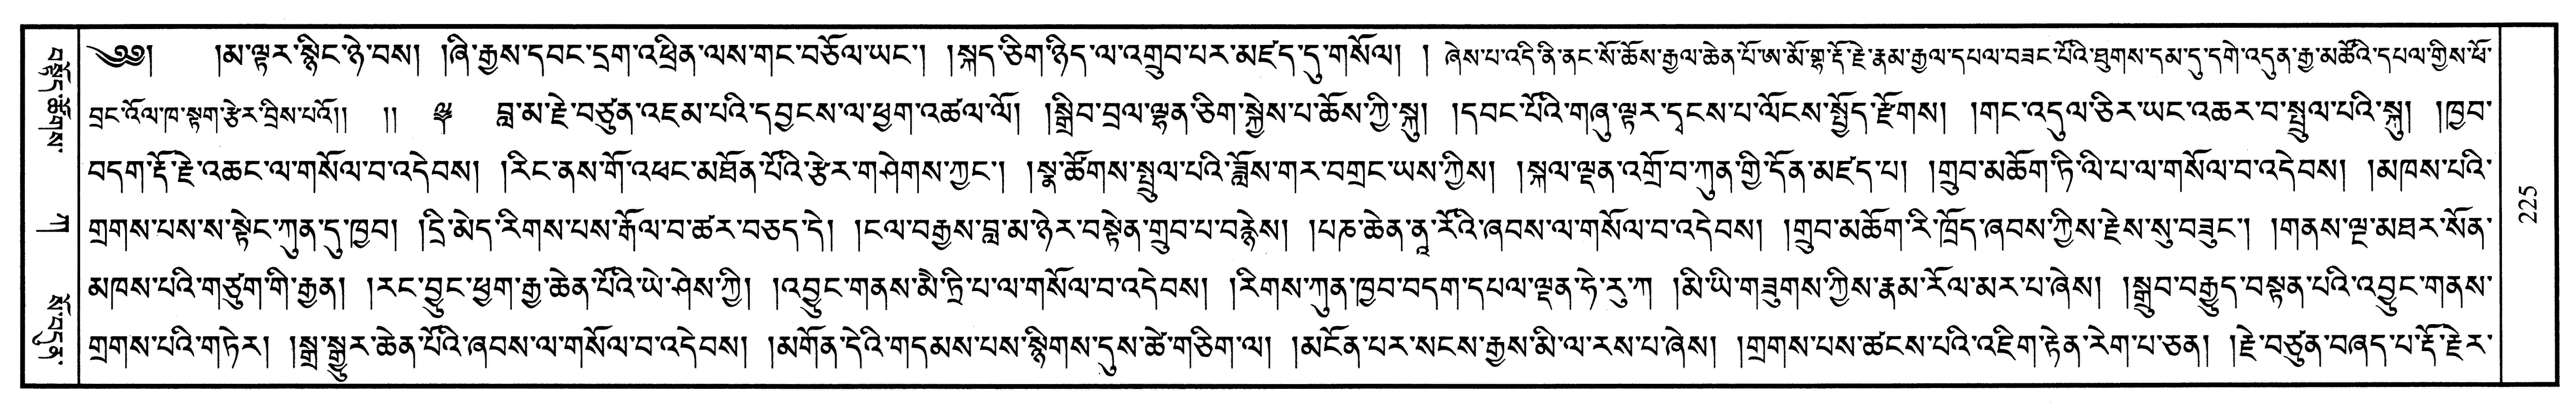༄༅། །མ་ལྟར་སྙིང་ཉེ་བས། །ཞི་རྒྱས་དབང་དྲག་འཕྲིན་ལས་གང་བཅོལ་ཡང་། །སྐད་ཅིག་ཉིད་ལ་འགྲུབ་པར་མཛད་དུ་གསོལ། །ཞེས་པ་འདི་ནི་ནང་སོ་ཆོས་རྒྱལ་ཆེན་པོ་ཨ་མོ་གྷ་རྡོ་རྗེ་རྣམ་རྒྱལ་དཔལ་བཟང་པོའི་ཐུགས་དམ་དུ་དགེ་འདུན་རྒྱ་མཚོའི་དཔལ་གྱིས་ཕོ་
བྲང་འོལ་ཁ་སྟག་རྩེར་བྲིས་པའོ།། །། ༈ བླ་མ་རྗེ་བཙུན་འཇམ་པའི་དབྱངས་ལ་ཕྱག་འཚལ་ལོ། །སྒྲིབ་བྲལ་ལྷན་ཅིག་སྐྱེས་པ་ཆོས་ཀྱི་སྐུ། །དབང་པོའི་གཞུ་ལྟར་དྭངས་པ་ལོངས་སྤྱོད་རྫོགས། །གང་འདུལ་ཅིར་ཡང་འཆར་བ་སྤྲུལ་པའི་སྐུ། །ཁྱབ་
བདག་རྡོ་རྗེ་འཆང་ལ་གསོལ་བ་འདེབས། །རིང་ནས་གོ་འཕང་མཐོན་པོའི་རྩེར་གཤེགས་ཀྱང་། །སྣ་ཚོགས་སྤྲུལ་པའི་ཟློས་གར་བགྲང་ཡས་ཀྱིས། །སྐལ་ལྡན་འགྲོ་བ་ཀུན་གྱི་དོན་མཛད་པ། །གྲུབ་མཆོག་ཏི་ལི་པ་ལ་གསོལ་བ་འདེབས། །མཁས་པའི་
གྲགས་པས་ས་སྟེང་ཀུན་ཏུ་ཁྱབ། །དྲི་མེད་རིགས་པས་རྒོལ་བ་ཚར་བཅད་དེ། །ངལ་བ་བརྒྱས་བླ་མ་ཉེར་གཅིག་གྲུབ་པ་བརྙེས། །པཎ་ཆེན་ནཱ་རོའི་ཞབས་ལ་གསོལ་བ་འདེབས། །གྲུབ་མཆོག་རི་ཁྲོད་ཞབས་ཀྱིས་རྗེས་སུ་བཟུང་། །གནས་ལྔ་མཐར་སོན་
མཁས་པའི་གཙུག་གི་རྒྱན། །རང་བྱུང་ཕྱག་རྒྱ་ཆེན་པོའི་ཡེ་ཤེས་ཀྱི། །འབྱུང་གནས་མཻ་ཏྲི་པ་ལ་གསོལ་བ་འདེབས། །རིགས་ཀུན་ཁྱབ་བདག་དཔལ་ལྡན་ཧེ་རུ་ཀ། །མི་ཡི་གཟུགས་ཀྱིས་རྣམ་རོལ་མར་པ་ཞེས། །སྒྲུབ་བརྒྱུད་བསྟན་པའི་འབྱུང་གནས་
གྲགས་པའི་གཏེར། །སྒྲ་སྒྱུར་ཆེན་པོའི་ཞབས་ལ་གསོལ་བ་འདེབས། །མགོན་དེའི་གདམས་པས་སྙིགས་དུས་ཚེ་གཅིག་ལ། །མངོན་པར་སངས་རྒྱས་མི་ལ་རས་པ་ཞེས། །གྲགས་པས་ཚངས་པའི་འཇིག་རྟེན་རེག་པ་ཅན། །རྗེ་བཙུན་པ་བཞད་པ་རྡོ་རྗེར་